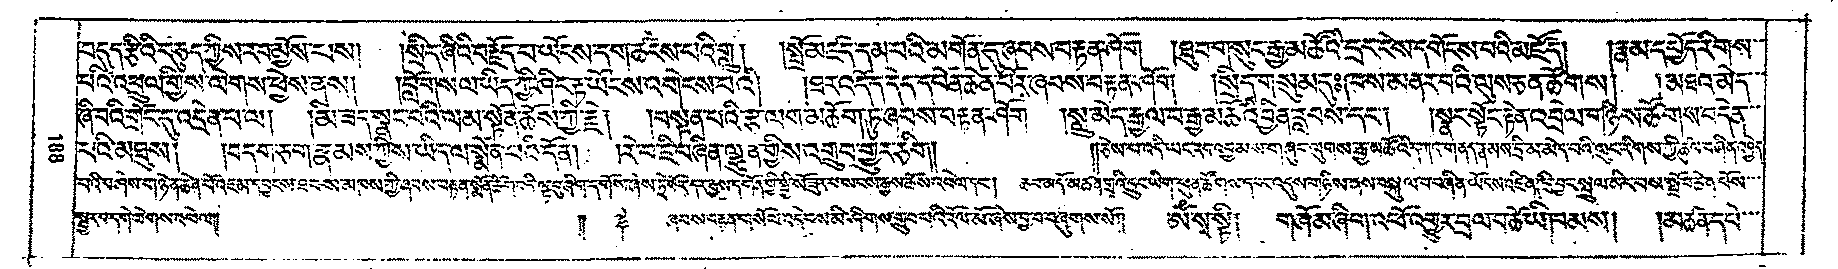བདུད་རྩིའི་བཅུད་ཀྱིས་རབ་མྱོས་པས། །སྲིད་ཞིའི་བརྗོད་པ་ཡོངས་དག་ཚངས་པའི་གླུ། །སྤྲོ་མཛད་དམ་པའི་མགོན་དུ་ཞབས་བརྟན་ཤོག །ཐུབ་གསུང་རྒྱ་མཚོའི་དྲང་ངེས་དགོངས་པའི་མཛོད། །རྣམ་དཔྱོད་རིགས་
པའི་འཕྲུལ་གྱིས་ལེགས་ཕྱེས་ནས། །བློ་གསལ་ཡིད་ཀྱི་ཤིང་རྟ་ཡོངས་འགེངས་པའི། །ཐར་འདོད་དེད་དཔོན་ཆེན་པོར་ཞབས་བརྟན་ཤོག །སྲིད་གསུམ་དུཿ ཁས་མནར་བའི་ལུས་ཅན་ཚོགས། །མཐའ་མེད་
ཞི་བའི་གྲོང་དུ་འདྲེན་པ་ལ། །མི་ཟད་སྣང་བའི་ལམ་སྟོན་ཆོས་ཀྱི་རྗེ། །བསྟན་པའི་རྩ་ལག་མཆོག་ཏུ་ཞབས་བརྟན་ཤོག །སླུ་མེད་རྒྱལ་བ་རྒྱ་མཚོའི་བྱིན་རླབས་དང་། །སྣང་སྟོང་རྟེན་འབྲེལ་གཉིས་ཚོགས་བདེན་
པའི་མཐུས། །བདག་ཅག་རྣམས་ཀྱིས་ཡིད་ལ་སྨོན་པའི་དོན། །རེ་བ་ཇི་བཞིན་ལྷུན་གྱིས་འགྲུབ་གྱུར་ཅིག ། །།ཅེས་པ་འདི་ཡང་རབ་འབྱམས་གཞུང་ལུགས་རྒྱ་མཚོའི་དཀའ་གནད་རྣམས་དྲི་མ་མེད་པའི་ལུང་རིགས་ཀྱི་ཚུལ་བཞིན་འབྱེད་
པའི་བཤེས་གཉེན་ཆེན་པོ་འཇམ་དབྱངས་ཐབས་མཁས་ཀྱི་ཞབས་བརྟན་སྨོན་ཚིག་འདི་ལྟ་བུ་ཞིག་དགོས་ཞེས་ཏྲེ་ཧོར་དར་རྒྱས་དགོན་གྱི་སྤྱི་སོ་ཟུར་པ་སངས་རྒྱས་ཆོས་འཕེལ་དང་། ཆབ་མདོ་མཚན་གྲྭའི་དྲུང་ཡིག་ཕུན་ཚོགས་དབང་འདུས་གཉིས་ནས་བསྐུལ་བ་བཞིན་ཡོངས་འཛིན་ཁྲི་བྱང་སྤྲུལ་མིང་པས་སྤྲོ་བ་ཆེན་པོས་
སྦྱར་བ་དགེ་ལེགས་འཕེལ།། །། ༈ ཞབས་བརྟན་གསོལ་འདེབས་མི་ཤིགས་གྲུབ་པའི་རོལ་མོ་ཞེས་བྱ་བ་བཞུགས་སོ། །ཨོཾ་སྭ་སྟི། གཞོམ་ཞིག་འཕོ་འགྱུར་བྲལ་བ་ཚེ་ཡི་ཁམས། །མཚན་དཔེ་